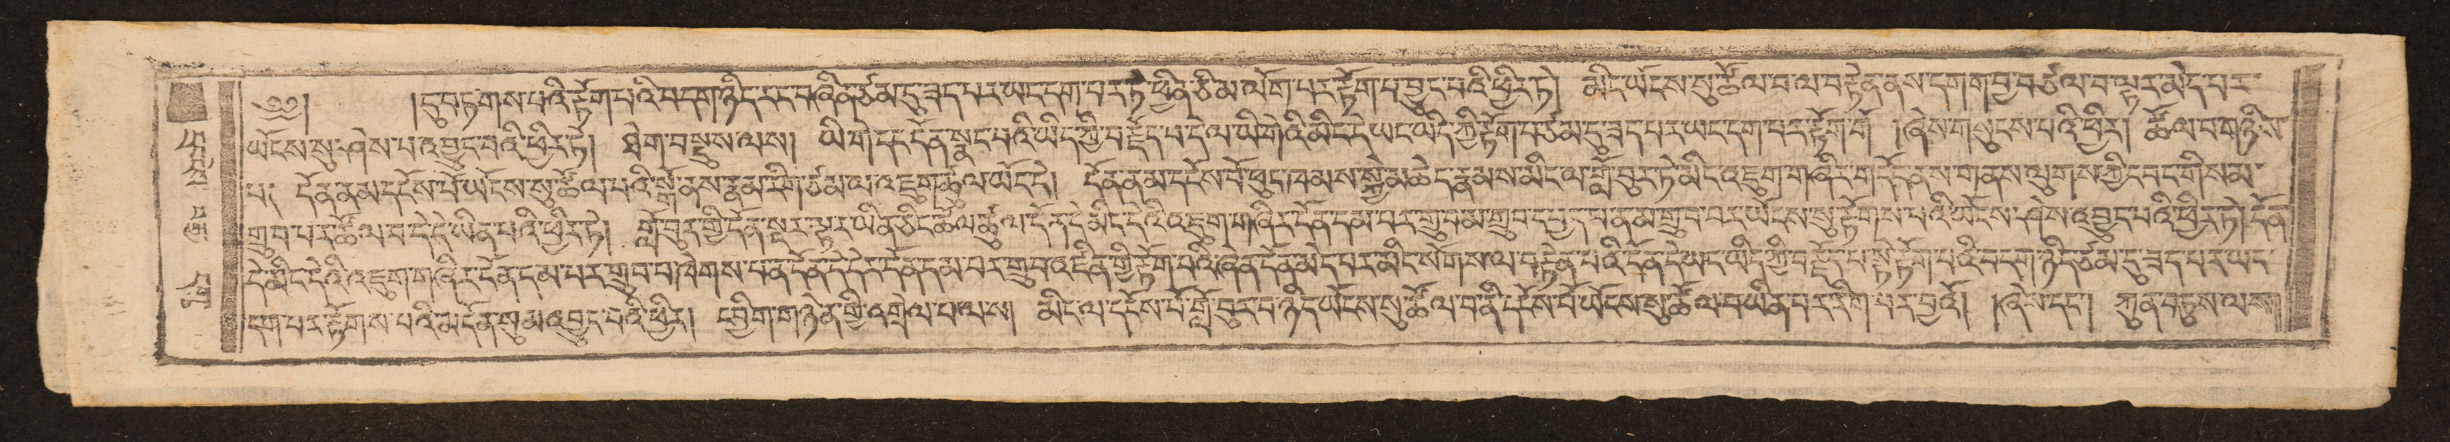༄༅། །དུ་བཏགས་པའི་རྟོག་པའི་བདག་ཉིད་རང་བཞིན་ཙམ་དུ་ཟད་པར་ཡང་དག་པར་ཏེ་ཕྱིན་ཅི་མ་ལོག་པར་རྟོག་པ་བྱུང་པའི་ཕྱིར་ཏེ། མིང་ཡོངས་སུ་ཚོལ་བ་ལ་བརྟེན་ནས་དགག་བྱ་བཙལ་བ་ལྟར་མེད་པར་
ཡོངས་སུ་ཤེས་པ་འབྱུང་བའི་ཕྱིར་ཏེ། ཐེག་བསྡུས་ལས། ཡི་གེ་དང་དོན་སྣང་པའི་ཡིད་ཀྱི་བརྗོད་པ་དེ་ལ་ཡི་གེའི་མིང་དེ་ཡང་ཡིད་ཀྱི་རྟོག་པ་ཙམ་དུ་ཟད་པར་ཡང་དག་པར་རྟོག་གོ །ཞེས་གསུངས་པའི་ཕྱིར། ཚོལ་བ་གཉིས་
པ༑ དོན་ནམ་དངོས་པོ་ཡོངས་སུ་ཚོལ་པའི་སྒོ་ནས་རྣམ་རིག་ཙམ་ལ་འཇུག་ཚུལ་ཡོད་དེ། དོན་ནམ་དངོས་པོ་ཕུང་ཁམས་སྐྱེ་མཆེད་རྣམས་མིང་ལ་གློ་བུར་ཏེ་མིང་འཇུག་གཞིར་གདོད་ནས་གནས་ལུགས་ཀྱི་དབང་གིས་མ་
གྲུབ་པར་ཚོལ་བ་དེ་དེ་ཡིན་པའི་ཕྱིར་ཏེ། གློ་བུར་གྱི་དོན་སྔར་ལྟར་ཡིན་ཅིང་ཚོལ་ཚུལ་དོན་དེ་མིང་དེའི་འཇུག་གཞིར་དོན་དམ་པར་གྲུབ་མ་གྲུབ་དཔྱད་པ་ན་མ་གྲུབ་པར་ཡོངས་སུ་རྟོགས་པའི་ཡོངས་ཤེས་འབྱུང་བའི་ཕྱིར་ཏེ། དོན་
དེ་མིང་དེའི་འཇུག་གཞིར་དོན་དམ་པར་གྲུབ་པ་ཁེགས་པ་ན་དོན་དེ་དེར་དོན་དམ་པར་གྲུབ་འཛིན་གྱི་རྟོག་པའི་ཞེན་དོན་མེད་པར་མིང་སོགས་ལ་བརྟེན་པའི་དོན་དེ་ཡང་ཡིད་ཀྱི་བརྗོད་པ་སྟེ་རྟོག་པའི་བདག་ཉིད་ཙམ་དུ་ཟད་པར་ཡང་
དག་པར་རྟོགས་པའི་མངོན་སུམ་འབྱུང་བའི་ཕྱིར། དབྱིག་གཉེན་གྱི་འགྲེལ་བ་ལས། མིང་ལ་དངོས་པོ་གློ་བུར་བ་ཉིད་ཡོངས་སུ་ཚོལ་བ་ནི་དངོས་པོ་ཡོངས་སུ་ཚོལ་བ་ཡིན་པར་རིག་པར་བྱའོ། །ཞེས་དང་། ཀུན་བཏུས་ལས།